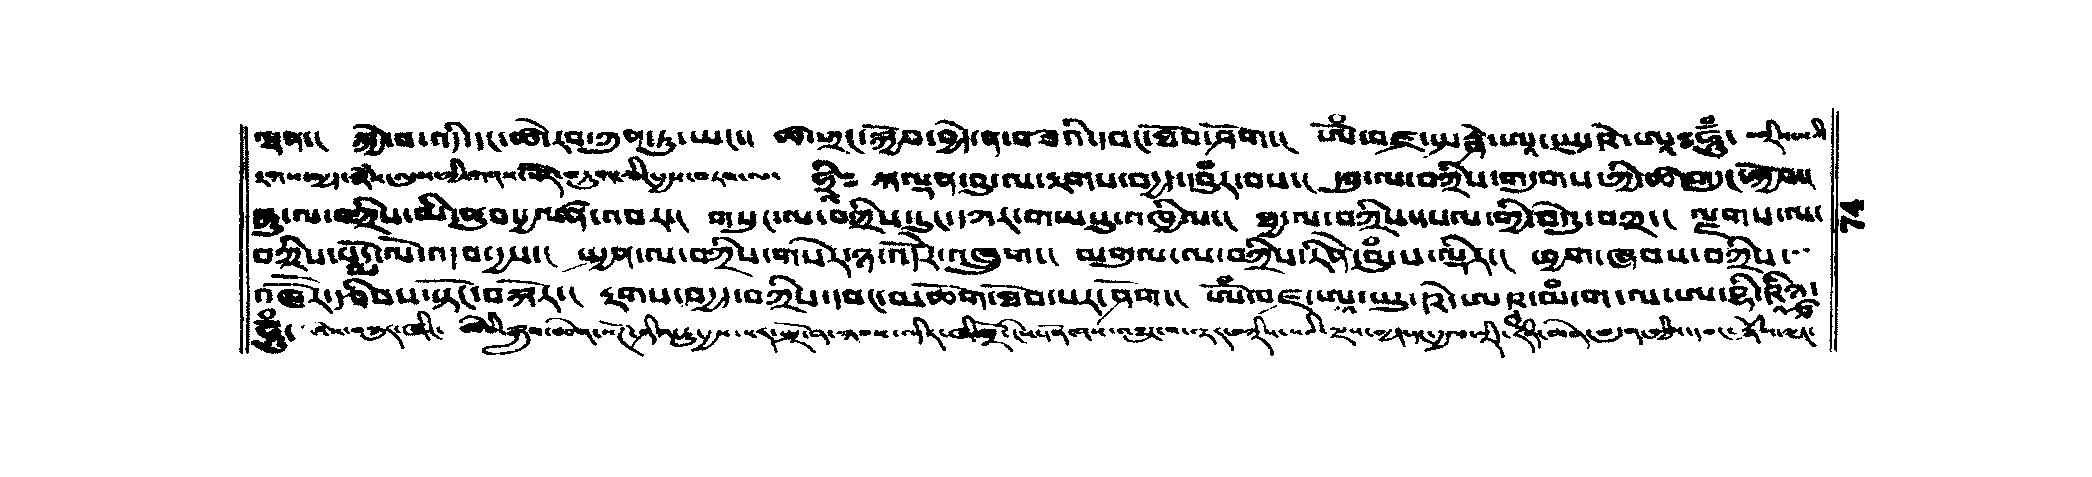ལྡན། སྐྱེ་བ་འདི་དག་ཚེ་རབ་ཀུན་ཏུ་ཡང་། ཚ་གྲང་སྐྱོབ་བྱེད་ན་བཟའི་དབང་ཐོབ་ཤོག ཨོཾ་བཛྲ་སྤ་རྴེ་ཨཱ་ཡུ་རེ་ཨཱ་ཧཱུྃ། བཀྲ་ཤིས་པའི་
རྟགས་བརྒྱད་རྣམས་ལུས་ཀྱི་གནས་སོ་སོར་བཏུག་ཅིང་རྒྱས་བཏབ་ལ། ཧྲཱིཿ སྐལ་ལྡན་མུལ་རྟགས་བརྒྱད་དབང་བསྐུར་བས། དབུ་ལ་བཀྲ་ཤིས་གདུགས་ཀྱི་ཚ་གདུང་སྐྱོབས། 
སྣུ་ལ་བཀྲ་ཤིས་མི་ནུབ་རྒྱལ་མཚན་འབར། གསུང་ལ་བཀྲ་ཤིས་དུང་དཀར་གཡས་སུ་འཁྱིལ།ཐུགས་ལ་བཀྲ་ཤིགས་དཔལ་གྱི་བེའུ་བཀྲ། ལྗགས་ལ་
བཀྲ་ཤིས་པདྨོ་ལེ་འདབ་རྒྱས། སྤྱན་ལ་བཀྲ་ཤིས་གསེར་ཉ་འོད་ཟེར་འཁྲུག མགུལ་ལ་བཀྲ་ཤིས་རིན་ཆེན་བུམ་པ་ལྡིར། ཕྱག་ཞབས་བཀྲ་ཤིས་
འཁོར་ལོ་རྩིབས་སྟོང་བསྐོར། རྟགས་བརྒྱད་བཀྲ་ཤིས་དབང་མཆོག་ཐོབ་པར་ཤོག ཨོཾ་བཛྲ་ཨཱ་ཡུ་རེ་ཨཥྚ་མཾ་ག་ལ་ཨ་བྷི་རཱིཉྩ་
ཧཱུྃ། ཞེས་བསྐུར་ཞིང་། ཚེའི་སྒྲུབ་ཆེན་སོགས་ཤིན་ཏུ་རྒྱས་པར་སྤྲོན་སྐབས་འདིར་ཞི་ཁྲོ་ངེས་དོན་ནས་འབྱུང་བ་ལྟར་བཀྲ་ཤིས་པའི་རྫས་བརྒྱན་དང་རྒྱལ་སྲིད་རིན་ཆེན་བདུན་གྱིས་དབང་རྣམས་ཀྱང་